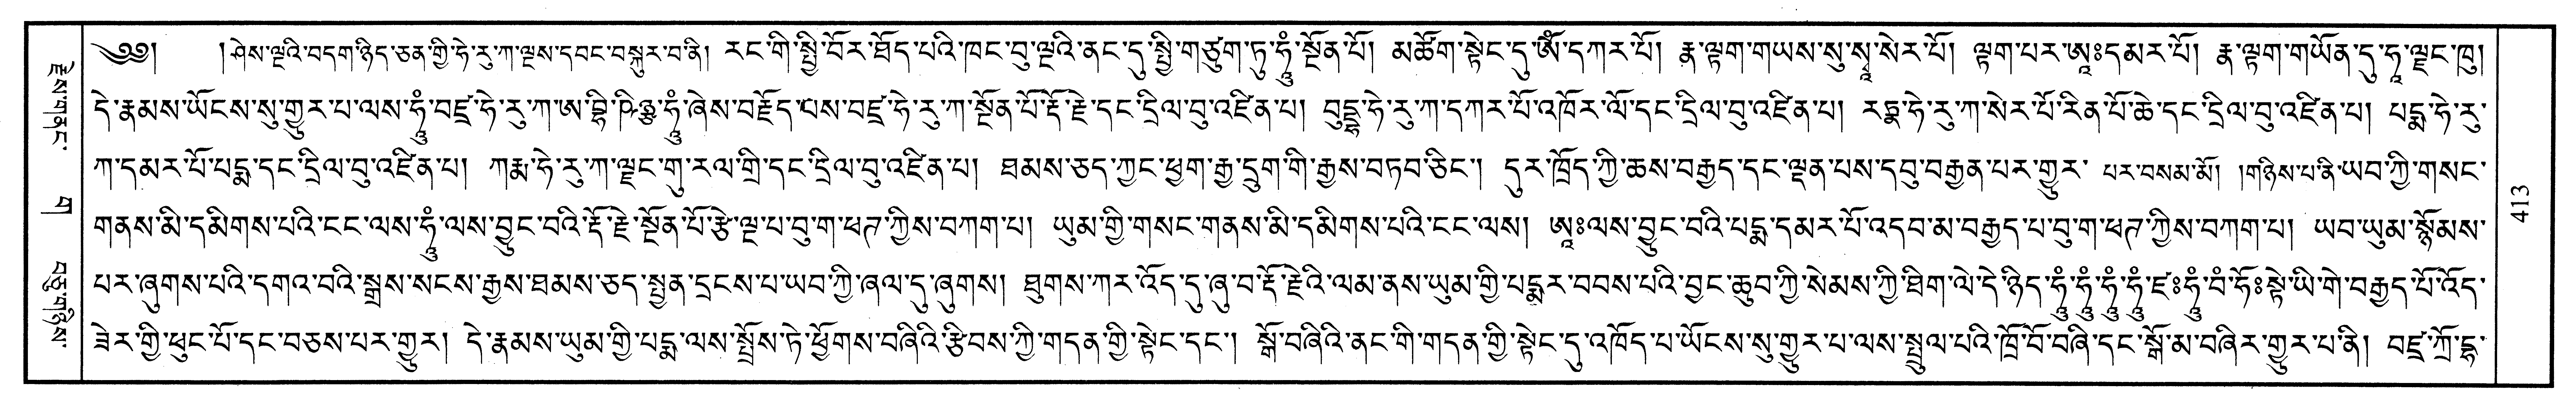༄༅། །ཤེས་ལྔའི་བདག་ཉིད་ཅན་གྱི་ཧེ་རུ་ཀ་ལྔས་དབང་བསྐུར་བ་ནི། རང་གི་སྤྱི་བོར་ཐོད་པའི་ཁང་བུ་ལྔའི་ནང་དུ་སྤྱི་གཙུག་ཏུ་ཧཱུཾ་སྔོན་པོ། མཚོག་སྟེང་དུ་ཨོཾ་དཀར་པོ། རྣ་ལྟག་གཡས་སུ་སྭཱ་སེར་པོ། ལྟག་པར་ཨཱཿ དམར་པོ། རྣ་ལྟག་གཡོན་དུ་ཧཱ་ལྗང་ཁུ།
དེ་རྣམས་ཡོངས་སུ་གྱུར་པ་ལས་ཧཱུཾ་བཛྲ་ཧེ་རུ་ཀ་ཨ་བྷི་ཥིཉྩ་ཧཱུཾ་ཞེས་བརྗོད་པས་བཛྲ་ཧེ་རུ་ཀ་སྔོན་པོ་རྡོ་རྗེ་དང་དྲིལ་བུ་འཛིན་པ། བུདྡྷ་ཧེ་རུ་ཀ་དཀར་པོ་འཁོར་ལོ་དང་དྲིལ་བུ་འཛིན་པ། རཏྣ་ཧེ་རུ་ཀ་སེར་པོ་རིན་པོ་ཆེ་དང་དྲིལ་བུ་འཛིན་པ། པདམ་ཧེ་རུ་
ཀ་དམར་པོ་པདམ་དང་དྲིལ་བུ་འཛིན་པ། ཀརྨ་ཧེ་རུ་ཀ་ལྗང་གུ་རལ་གྲི་དང་དྲིལ་བུ་འཛིན་པ། ཐམས་ཅད་ཀྱང་ཕྱག་རྒྱ་དྲུག་གི་རྒྱས་བཏབ་ཅིང་། དུར་ཁྲོད་ཀྱི་ཆས་བརྒྱད་དང་ལྡན་པས་དབུ་བརྒྱན་པར་གྱུར་པར་བསམ་མོ། །གཉིས་པ་ནི་ཡབ་ཀྱི་གསང་
གནས་མི་དམིགས་པའི་ངང་ལས་ཧཱུཾ་ལས་བྱུང་བའི་རྡོ་རྗེ་སྔོན་པོ་རྩེ་ལྔ་པ་བུ་ག་ཕཊ་ཀྱིས་བཀག་པ། ཡུམ་གྱི་གསང་གནས་མི་དམིགས་པའི་ངང་ལས། ཨཱཿ ལས་བྱུང་བའི་པདམ་དམར་པོ་འདབ་མ་བརྒྱད་པ་བུ་ག་ཕཊ་ཀྱིས་བཀག་པ། ཡབ་ཡུམ་སྙོམས་
པར་ཞུགས་པའི་དགའ་བའི་སྒྲས་སངས་རྒྱས་ཐམས་ཅད་སྤྱན་དྲངས་པ་ཡབ་ཀྱི་ཞལ་དུ་ཞུགས། ཐུགས་ཀར་འོད་དུ་ཞུ་བ་རྡོ་རྗེའི་ལམ་ནས་ཡུམ་གྱི་པདམར་བབས་པའི་བྱང་ཆུབ་ཀྱི་སེམས་ཀྱི་ཐིག་ལེ་དེ་ཉིད་ཧཱུཾ་ཧཱུཾ་ཧཱུཾ་ཧཱུཾ་ཛཿ ཧཱུཾ་བཾ་ཧོཿ སྟེ་ཡི་གེ་བརྒྱད་པོ་འོད་
ཟེར་གྱི་ཕུང་པོ་དང་བཅས་པར་གྱུར། དེ་རྣམས་ཡུམ་གྱི་པདམ་ལས་སྤྲོས་ཏེ་ཕྱོགས་བཞིའི་རྩིབས་ཀྱི་གདན་གྱི་སྟེང་དང་། སྒོ་བཞིའི་ནང་གི་གདན་གྱི་སྟེང་དུ་འཁོད་པ་ཡོངས་སུ་གྱུར་པ་ལས་སྤྲུལ་པའི་ཁྲོ་བོ་བཞི་དང་སྒོ་མ་བཞིར་གྱུར་པ་ནི། བཛྲ་ཀྲོ་དྷ་